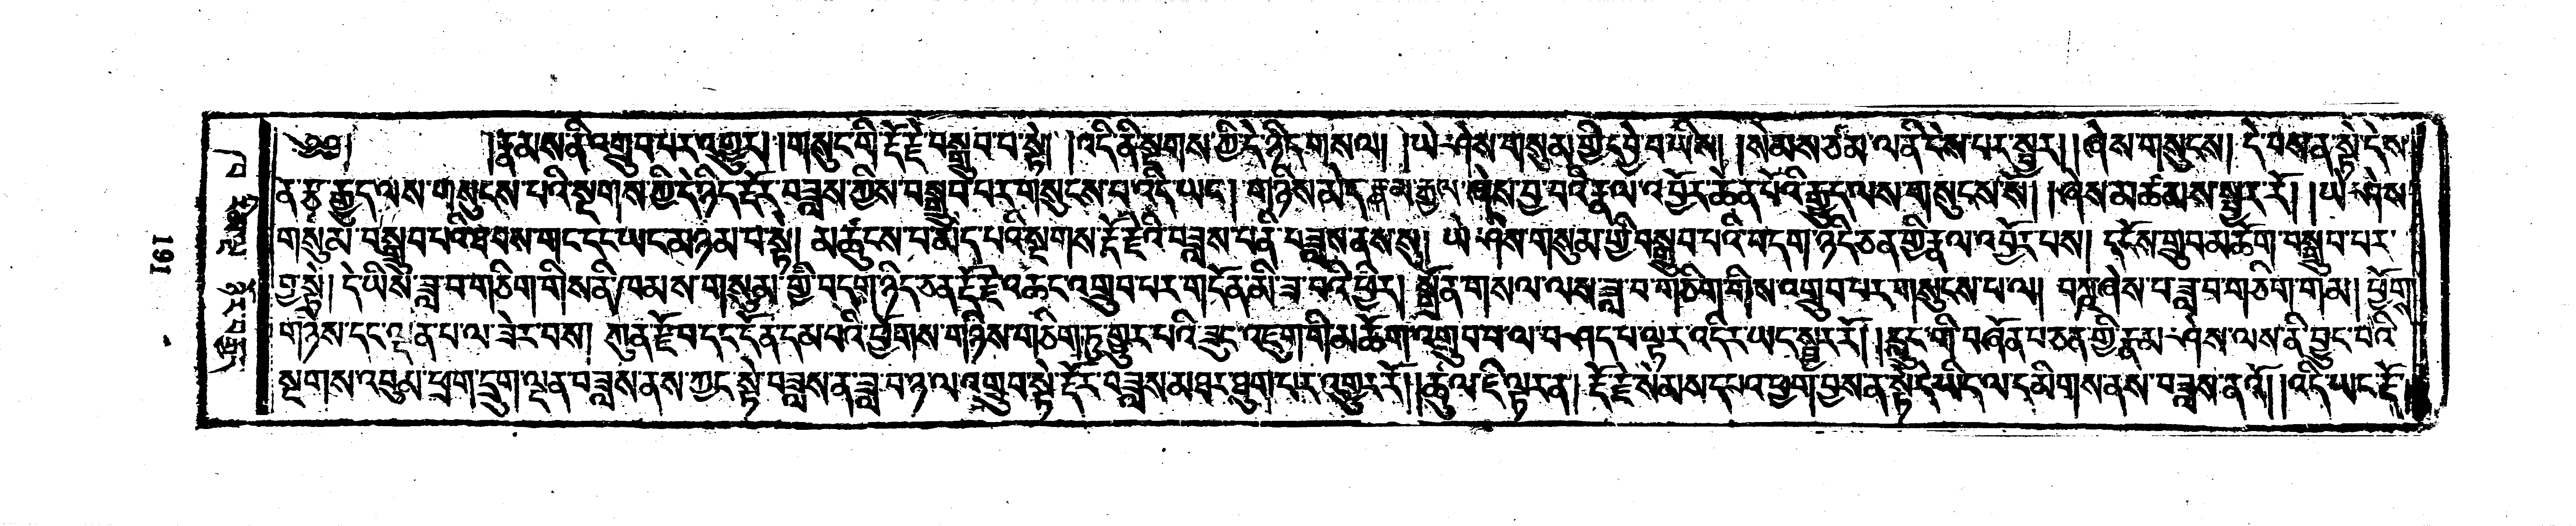༄༅། །རྣམས་ནི་འགྲུབ་པར་འགྱུར། །གསུང་གི་རྡོ་རྗེ་བསྒྲུབ་པ་སྟེ། །འདི་ནི་སྔགས་ཀྱི་དེ་ཉིད་གསལ། །ཡེ་ཤེས་གསུམ་གྱི་དབྱེ་བ་ཡིས། །སེམས་ཙམ་ལ་ནི་ངེས་པར་སྦྱར། །ཞེས་གསུངས། དེ་བས་ན་སྟེ་དེས་
ན་རྩ་རྒྱུད་ལས་གསུངས་པའི་སྔགས་ཀྱི་དེ་ཉིད་རྡོར་བཟླས་ཀྱིས་བསྒྲུབ་པར་གསུངས་པ་འདི་ཡང་། གཉིས་མེད་རྣམ་རྒྱལ་ཞེས་བྱ་བའི་རྣལ་འབྱོར་ཆེན་པོའི་རྒྱུད་ལས་གསུངས་སོ། །ཞེས་མཚམས་སྦྱར་རོ། །ཡེ་ཤེས་
གསུམ་བསྒྲུབ་པའི་ཐབས་གང་དང་ཡང་མཉམ་པ་སྟེ། མཚུངས་པ་མེད་པའི་སྔགས་རྡོ་རྗེའི་བཟླས་པ་ནི་བཟླས་ནས་སུ། ཡེ་ཤེས་གསུམ་གྱི་བསྒྲུབ་པའི་བདག་ཉིད་ཅན་གྱི་རྣལ་འབྱོར་པས། དངོས་གྲུབ་མཆོག་བསྒྲུབ་པར་
བྱ་སྟེ། དེ་ཡིས་ཟླ་བ་གཅིག་གིས་ནི་ཁམས་གསུམ་གྱི་བདག་ཉིད་ཅན་རྡོ་རྗེ་འཆང་འགྲུབ་པར་གདོན་མི་ཟ་བའི་ཕྱིར། སྒྲོན་གསལ་ལས་ཟླ་བ་གཅིག་གིས་འགྲུབ་པར་གསུངས་པ་ལ། པཀྵ་ཞེས་པ་ཟླ་བ་གཅིག་གམ། ཕྱོགས་
གཉིས་དང་ལྡན་པ་ལ་ཟེར་བས། ཀུན་རྫོབ་དང་དོན་དམ་པའི་ཕྱོགས་གཉིས་གཅིག་ཏུ་གྱུར་པའི་ཟུང་འཇུག་གི་མཆོག་འགྲུབ་པ་ལ་བཤད་པ་ལྟར་འདིར་ཡང་སྦྱར་རོ། །རླུང་གི་བཞོན་པ་ཅན་གྱི་རྣམ་ཤེས་ལས་ནི་བྱུང་བའི་
སྔགས་འབུམ་ཕྲག་དྲུག་ལྡན་བཟླས་ནས་ཀྱང་སྟེ་བཟླས་ན་ཟླ་བ་ཉ་ལ་འགྲུབ་སྟེ་རྡོར་བཟླས་མཐར་ཐུག་པར་འགྱུར་རོ། །ཚུལ་ཇི་ལྟར་ན། རྡོ་རྗེ་སེམས་དཔའ་ཕྱག་བྱས་ན་སྟེ་དེ་ཡིད་ལ་དམིགས་ནས་བཟླས་ནའོ། །འདི་ཡང་རྡོ་